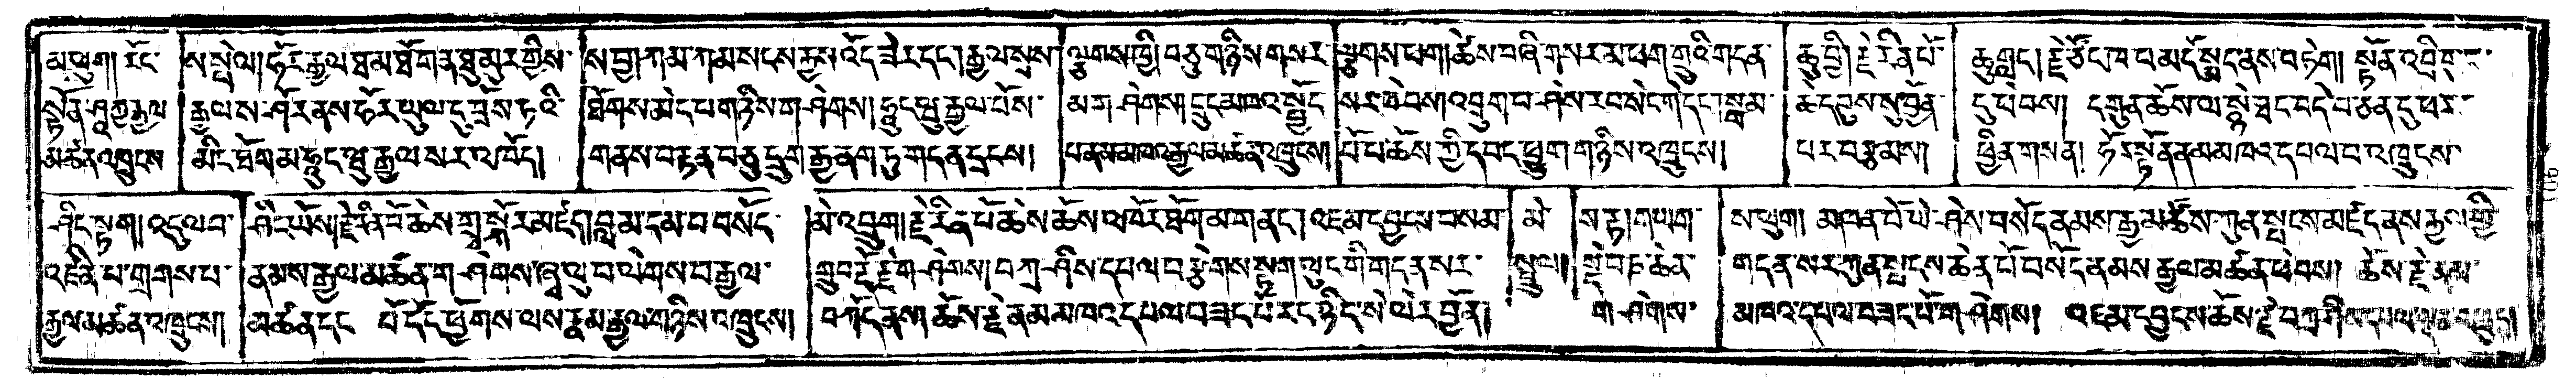མ་ལུག་རོང་། ས་སྤེལ། ཧོར་རྒྱལ་ཐ་མ་ཐོ་གན་ཐུ་མུར་གྱིས་ས་བྱ། ཀམ་ཀམ་སངས་རྒྱས་འོད་ཟེར་དང་། རྒྱལ་སྲས། ལྕགས་ཁྱི། བཅུ་གཉིས་གསར་ལྕགས་ཕག། ཚེས་བཞི་གསར་མ་ཕག་གྲུའི་གདན། ཆུ་བྱི། རྗེ་རིན་པོ། ཆུ་གླང་། རྗེ་ཙོང་ཁབ་མདོ་སྨད་ནས་བཏེག། སྟོན་འབྲིབ་པ་
སྟོན་ཤཱཀྱ་རྒྱལ་རྒྱ་ལས་ཤོར་ནས་ཧོར་ཡུལ་དུ་བྲོས་ཏའི་ཐོགས་མེད་པ་གཉིས་གཤེགས། ཧཱུད་ཝཱུ་རྒྱལ་པོས། མ་གཤེགས། དྲུང་མཁའ་སྤྱོད་སར་ཕེབས། སར་ཕེབས། འབྲུག་པ་ཤེས་རབ་སེང་གེ་དང་། སླམ། ཆེ་དབུས་སུ་བྱོན། དུ་ཕེབས། དགུན་ཆོས་ལ་སཉ༧ཨེ་ཐང་བདེ་བ་ཅན་དུ་ཕར་
མཆེན་འཁྲུངས། མིང་ཐོག་མ་ཧཱུང་ཝུ་རྒྱལ་སར་འཁོད། གནས་བརྟན་བཅུ་དྲུག་རྒྱ་ནག་ཏུ་གདན་དྲངས། པ་ནམ་མཁའ་རྒྱལ་མཚན་འཁྲུངས། པོ་པ་ཆོས་ཀྱི་དབང་ཕྱུག་གཉིས་འཁྲུངས། པར་བརྩམས། ཕྱིན་གས་ན། ཧོར་སྟོན་ནམ་མཁའ་དཔལ་བ་འཁྲུངས་
ཤིང་སྟག། འདུལ་བ་ཤིང་ཡོས། རྗེ་རིན་པོ་ཆེས་གྲྭ་སྐོར་མཛད། བླ་མ་དམ་བ་བསོད་མེ་འབྲུག། རྗེ་རིན་པོ་ཆེས་ཆོས་འཁོར་ཐོག་མ་གནང་། འཇམ་དབྱངས་བསམ་མེ་ས་རྟ། གཡག་ས་ལུག། མཁན་པོ་ཡེ་ཤེས་བསོད་ནམས་རྒྱ་མཚོས་ཀུན་སྤངས་མཛད་ནས་རྒྱལ་གྱི་
འཛིན་པ་གྲགས་པ་ནམས་རྒྱལ་མཚན་གཤེགས་ཞྭ་ལུ་བ་ལེགས་པ་བརྒྱལ་གྲུབ་རྡོ་རྗེ་གཤེགས། བཀྲ་ཤིས་དཔལ་བརྩེགས་སྟག་ལུང་གི་གདན་སར་སྤྲུལ། སྡེབ་ཎ་ཆེན་གདན་སར་ཀུན་སྤངས་ཆེན་པོ་བསོད་ནམས་རྒྱལ་མཚན་ཕེབས། ཆོས་རྗེ་ནམ་
རྒྱལ་མཚན་འཁྲུངས། མཚན་དང་བོ་དོད་ཕྱོགས་ལས་རྣམ་རྒྱལ་གཉིས་འཁྲུངས། བཀོད་ནས། ཆོས་རྗེ་ནམ་མཁའ་དཔལ་བཟང་པོ་རང་ཉིད་སེ་ལེར་བྱོན། གཤེགས་མཁའ་དཔལ་བཟང་པོ་གཤེགས། འཇམ་དབྱངས་ཆོས་རྗེ་བཀྲ་ཤིས་དཔལ་ལྡན་???